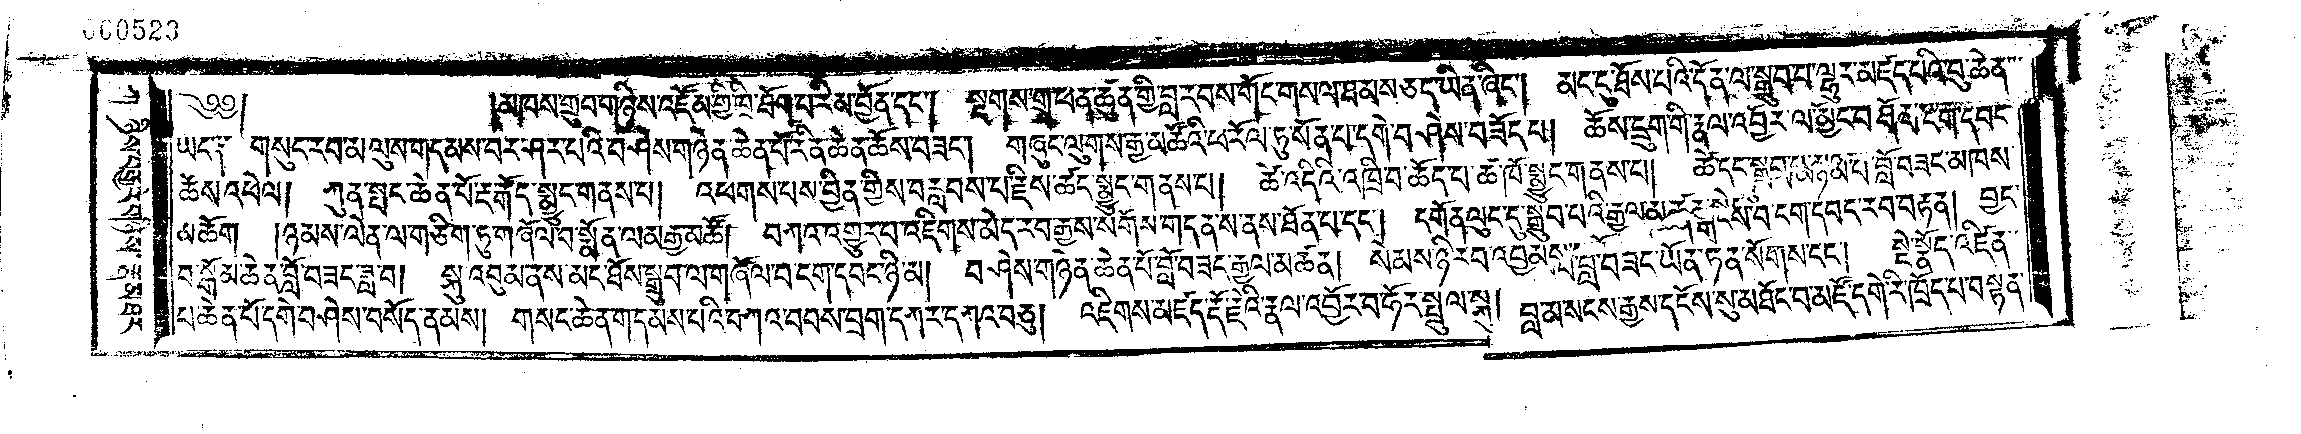༄༅། །མཁས་གྲུབ་གཉིས་འཛོམ་གྱི་ཁྲི་ཐོག་པ་རིམ་བྱོན་དང་། སྔགས་གྲྭ་ཕན་ཚུན་གྱི་བླ་རབས་གོང་གསལ་ཐམས་ཅད་ཡིན་ཞིང་། མང་དུ་ཐོས་པའི་དོན་ལ་སྒྲུབ་པ་ལྷུར་མཛད་པའི་བུ་ཆེན་
ཡང༑ གསུང་རབ་མ་ལུས་གདམས་པར་ཤར་པའི་བཤེས་གཉེན་ཆེན་པོ་རིན་ཆེན་ཆོས་བཟང་། གཞུང་ལུགས་རྒྱ་མཚོའི་ཕ་རོལ་ཏུ་སོན་པ་དགེ་བཤེས་བཟོད་པ། ཆོས་དྲུག་གི་རྣལ་འབྱོར་ལ་མྱོང་བ་ཐོན་པ་ངག་དབང་
ཆོས་འཕེལ། ཀུན་སྤང་ཆེན་པོ་རྔ་རྒོད་སྨྱུང་གནས་པ། འཕགས་པས་བྱིན་གྱིས་བརླབས་པ་རྗིས་ཚང་སྨྱུང་གནས་པ། ཚེ་འདིའི་འཁྲི་བ་ཆོད་པ་ཚ་ཁོ་སྨྱུང་གནས་པ། ཚེ་དང་སྒྲུབ་པ་མཉམ་པ་བློ་བཟང་མཁས་
མཆོག །ཉམས་ལེན་ལ་གཅིག་ཏུ་གཞོལ་བ་སྨོན་ལམ་རྒྱ་མཚོ། བཀའ་འགྱུར་པ་འཇིགས་མེད་རབ་རྒྱས་སོགས་གདན་ས་ནས་ཐོན་པ་དང་། དགོན་ལུང་དུ་སྒྲུབ་པའི་རྒྱལ་མཚན་སྒྲེངས་པ་ངག་དབང་རབ་བརྟན། བྱང་
བ་སྒོམ་ཆེན་བློ་བཟང་ཟླ་བ། སྐུ་འབུམ་ནས་མང་ཐོས་སྒྲུབ་ལ་གཞོལ་བ་ངག་དབང་ཉི་མ། བཤེས་གཉེན་ཆེན་པོ་བློ་བཟང་རྒྱལ་མཚན། སེམས་ཉི་རབ་འབྱམས་པ་བློ་བཟང་ཡོན་ཏན་སོགས་དང་། སྡེ་སྣོད་འཛིན་
པ་ཆེན་པོ་དགེ་བཤེས་བསོད་ནམས། གསང་ཆེན་གདམས་པའི་བཀའ་བབས་བྲག་དཀར་དཀའ་བཅུ། འཇིགས་མཛད་རྡོ་རྗེའི་རྣལ་འབྱོར་བ་ཧོར་སྤྲུལ་སྐུ། བླ་མ་སངས་རྒྱས་དངོས་སུ་མཐོང་བ་མཛོ་དགེ་རི་ཁྲོད་པ་བསྟན་